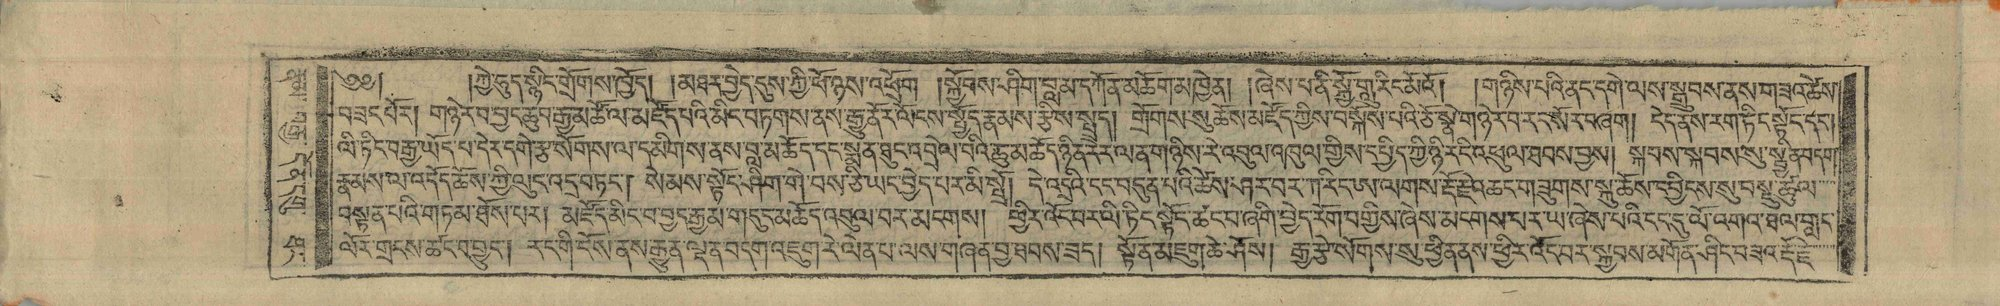༄༅། །ཀྱེ་ཧུད་སྙིང་གྲོགས་ཁྱོད། །མཐར་བྱེད་དུས་ཀྱི་ཕོ་ཉས་འཕྲོག །སྐྱོབས་ཤིག་བླ་མ་དཀོན་མཆོག་མཁྱེན། །ཞེས་པ་ནི་སྐྱོ་གླུ་རིང་མོའོ། །གཉིས་པའི་ནང་དགེ་ལས་སྒྲུབས་ནས་གཟའ་ཚེས་
བཟང་པོར། གཉེར་བ་བྱང་ཆུབ་རྒྱ་མཚོ་ལ་མཛོད་པའི་མིང་བཏགས་ནས་རྒྱུ་ནོར་ལོངས་སྤྱོད་རྣམས་རྩིས་སྤྲད། གྲོགས་སུ་ཆོས་མཛོད་ཀྱིས་བསྐོས་པའི་ཅོ་སྣེ་གཉེར་བ་རང་སོར་བཞག །ངེད་ནས་རག་ཏིང་སྟོང་དང་།
ལི་ཏིང་བརྒྱ་ཡོད་པ་དེར་དགེ་རྩ་སོགས་ལ་དམིགས་ནས་བླ་མཆོད་དང་སྨན་ཐུང་འབྲེལ་བའི་ཆུ་མཆོད་ཉིན་རར་ལན་གཉིས་རེ་འབུལ་འཁུལ་གྱིས་དཔྱིད་ཀྱི་ཉི་རིང་འཕུལ་ཐབས་བྱས། སྐབས་སྐབས་སུ་སྦྱིན་བདག་
རྣམས་ལ་འདོད་ཆོས་ཀྱི་ལུང་འདྲ་བཏང་། སེམས་སྟོང་ཤིག་གེ་བས་ཅི་ཡང་བྱེད་པར་མི་སྤྲོ། དེ་འདྲའི་ངང་བདུན་པའི་ཚེས་ཤར་བར་ཀ་རིང་ཨ་ལགས་རྡོ་རྗེ་འཆང་གཟུགས་སྐུ་ཆོས་དབྱིངས་སུ་བསྡུ་ཚུལ་
བསྟན་པའི་གཏམ་ཐོས་པར། མཛོད་མིང་བ་བྱད་རྒྱམ་གདུང་མཆོད་འབུལ་བར་མངགས། ཕྱིར་འོང་བར་ལི་ཏིང་སྟོང་ཚང་བ་ཞིག་བྱེད་རོག་བགྱིས་ཞེས་མངགས་པར་ཡ་ཞེས་པའི་ངང་དུ་ལོ་འགའ་ཐལ་གླང་
ལོར་གྲངས་ཚང་བ་བྱུང་། རང་གི་ངོས་ནས་རྒྱུན་ལྡན་བདག་འཇུག་རེ་ལེན་པ་ལས་གཞན་བྱ་ཐབས་ཟད། སྟོན་མཇུག་ཆེ་ཤོས། རྒྱ་རྩེ་སོགས་སུ་ཕྱིན་ནས་ཕྱིར་འོང་བར་སྐྱབས་མགོན་ཤིང་བཟའ་རྡོ་རྗེ་